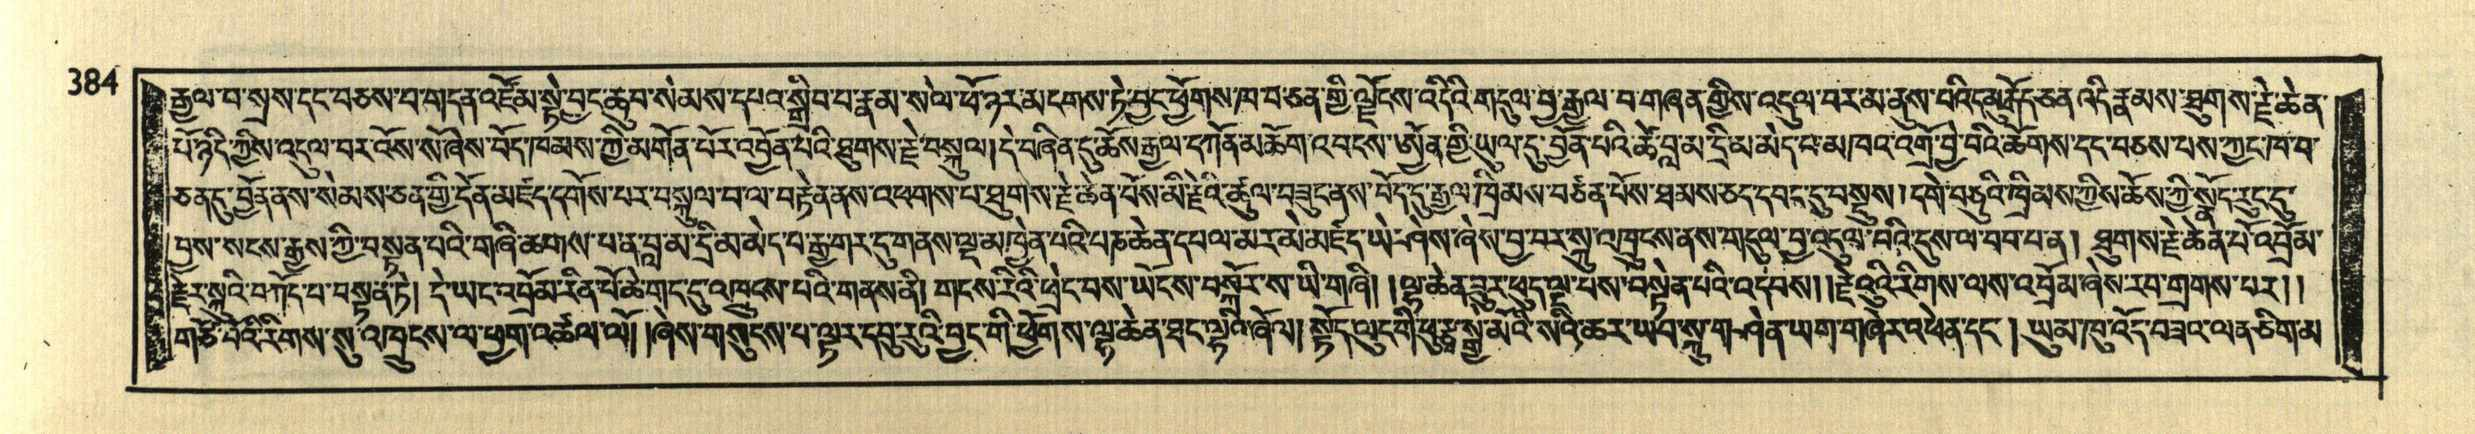རྒྱལ་བ་སྲས་དང་བཅས་བ་གདན་འཛོམ་སྟེ་བྱང་ཆུབ་སེམས་དཔའ་སྒྲིབ་པ་རྣམ་སེལ་ཕོ་ཉར་མངགས་ཏེ་བྱང་ཕྱོགས་ཁ་བ་ཅན་གྱི་ལྗོངས་འདིའི་གདུལ་བྱ་རྒྱལ་བ་གཞན་གྱིས་འདུལ་བར་མ་ནུས་པའི་དམུ་རྒོད་ཅན་འདི་རྣམས་ཐུགས་རྗེ་ཆེན་
པོ་ཉིད་ཀྱིས་འདུལ་བར་འོས་སོ་ཞེས་བོད་ཁམས་ཀྱི་མགོན་པོར་འབྱོན་པའི་ཐུགས་རྗེ་བསྐུལ། དེ་བཞིན་དུ་ཆོས་རྒྱལ་དཀོན་མཆོག་འབངས་ཡོན་གྱི་ཡུལ་དུ་བྱོན་པའི་ཚེ་བླ་མ་དྲི་མ་མེད་པ་མཁའ་འགྲོ་བྱེ་བའི་ཆོགས་དང་བཅས་པས་ཀྱང་ཁ་བ་
ཅན་དུ་བྱོན་ནས་སེམས་ཅན་གྱི་དོན་མཛད་དགོས་པར་བསྐུལ་བ་ལ་བརྟེན་ནས་འཕགས་པ་ཐུགས་རྗེ་ཆེན་པོས་མི་རྗེའི་ཚུལ་བཟུང་ནས་བོད་དུ་རྒྱལ་ཁྲིམས་བཙན་པོས་ཐམས་ཅད་དབང་དུ་བསྡུས། དགེ་བཅུའི་ཁྲིམས་ཀྱིས་ཆོས་ཀྱི་སྣོད་རུང་དུ་
བྱས་སངས་རྒྱས་ཀྱི་བསྟན་པའི་གཞི་ཆགས་པ་ན་བླ་མ་དྲི་མ་མེད་པ་རྒྱ་གར་དུ་གནས་ལྔ་མཁྱེན་པའི་པཎ་ཆེན་དཔལ་མར་མེ་མཛད་ཡེ་ཤེས་ཞེས་བྱ་བར་སྐུ་འཁྲུངས་ནས་གདུལ་བྱ་འདུལ་བའི་དུས་ལ་བབ་པ་ན། ཐུགས་རྗེ་ཆེན་པོ་འབྲོམ་
རྗེར་སྐུའི་བཀོད་པ་བསྟན་ཏེ། དེ་ཡང་འབྲོམ་རིན་པོ་ཆེ་གང་དུ་འཁྲུངས་པའི་གནས་ནི། གངས་རིའི་ཕྲེང་བས་ཡོངས་བསྐོར་ས་ཡི་གཞི། །ལྷ་ཆེན་ཟུར་ཕུད་ལྔ་པས་བསྟེན་པའི་འདབས། །རྗེའུའི་རིགས་ལས་འབྲོམ་ཞེས་རབ་གྲགས་པར།།
གཙོ་བོའི་རིགས་སུ་འཁྲུངས་ལ་ཕྱག་འཚལ་ལོ། །ཞེས་གསུངས་པ་ལྟར་དབུ་རུའི་བྱང་གི་ཕྱོགས་ལྷ་ཆེན་ཐང་ལྷའི་ཞོལ། སྟོད་ལུང་གི་ཕུ་རྩྭ་སྒྱེ་མོའི་སའི་ཆར་ཡབ་སྐུ་གཤེན་ཡག་གཞེར་འཕེན་དང་། ཡུམ་ཁུ་འོད་བཟའ་ལན་ཅིག་མ་